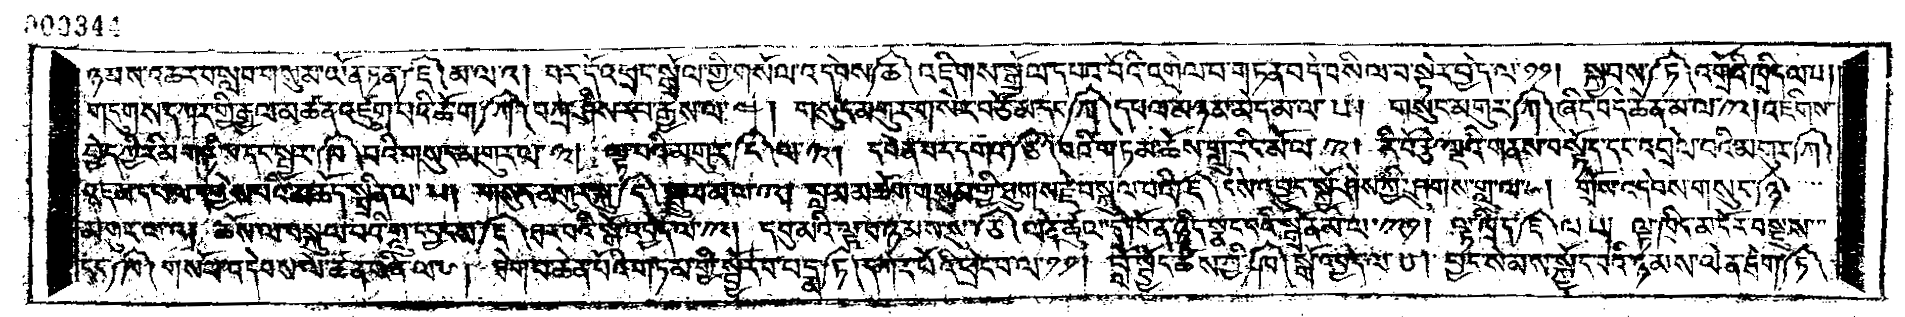ཉམས་འཆར་བསླབ་གསུམ་ཡོན་ཏན ༼ཇ༽ མ་ལ ༢། བར་དོ་འཕྲང་སྒྲོལ་གྱི་གསོལ་འདེབས ༼ཆ༽ འཇིགས་སྒྲོལ་དཔའ་བོའི་འགྲེལ་བ་གཏན་བདེ་བསིལ་བ་སྟེར་བྱེད་ལ ༡༡། སྐྱབས ༼ཏ༽ འགྲོའི་ཁྲིད་ལ ༥།
གདུགས་དཀར་གྱི་རྒྱལ་མཚན་འཛུག་པའི་ཆོ་ག ༼ཀ༽ བཀྲ་ཤིས་རབ་རྒྱས་ལ ༤། གསུང་མགུར་གསེར་བཅོམ་དང ༼ཀ༽ དཔལ་མཉམ་མེད་མ་ལ ༥། གསུང་མགུར ༼ཀ༽ ཞིང་བདེ་ཆེན་མ་ལ ༡༢། འཇིགས་
བྱེད་ཀྱི་རིམ་གཉིས་དང་སྦྱར ༼ཁ༽ བའི་གསུང་མགུར་ལ ༣། ལྟ་བའི་མགུར ༼ང༽ ལ ༡༢། དབེན་པར་དགའ ༼ཅ༽ བའི་གཏམ་ཆོས་གླུ་རིང་མོ་ལ ༡༢། རི་བོ་རྩེ་ལྔའི་གནས་བསྟོད་དང་འབྲེལ་བའི་མགུར ༼ཀ༽
འཇམ་དཔལ་དགྱེས་པའི་མཆོད་སྤྲིན་ལ ༥། གསུང་མགུར་སྐུ ༼ད༽ སྤྲུལ་མ་ལ ༡༢། བླ་མ་མཆོག་གསུམ་གྱི་ཐུགས་རྗེ་བསྐུལ་བའི ༼ཇ༽ དེས་འབྱུང་སྐྱོ་ཤེས་ཀྱི་ཤུགས་གླུ་ལ ༧། གྲོས་འདེབས་གསུང ༼ཉ༽
མགུར་ལ ༢། ཆོས་ལ་བསྐུལ་བའི་གླུ་དབྱངས ༼ཇ༽ ཐར་བའི་སྒོ་འབྱེད་ལ ༡༢། དབུ་མའི་ལྟ་བ་ཉམས་སུ ༼ཅ༽ ལེན་ཚུལ་དེ་ཁོ་ན་ཉིད་སྣང་བའི་སྒྲོན་མེ་ལ ༡༢༡། ལྟ་ཁྲིད ༼ཇ༽ ལ ༥། ལྟ་ཁྲིད་མདོར་བསྡུས་
དང ༼ཁ༽ གསོལ་འདེབས་ལེ་ཚན་བཞི་ལ ༦། ཐེག་པ་ཆེན་པོའི་གཏམ་གྱི་སྦྱོར་བ་པདམ ༼ཏ༽ དཀར་པོའི་ཕྲེང་བ་ལ ༡༡། བློ་སྦྱོང་ཆོས་ཀྱི ༼ཁ༽ སྒོ་འབྱེད་ལ ༦། བྱང་སེམས་སྐྱོང་བའི་ཉམས་ལེན་ཐེག ༼ཏ༽